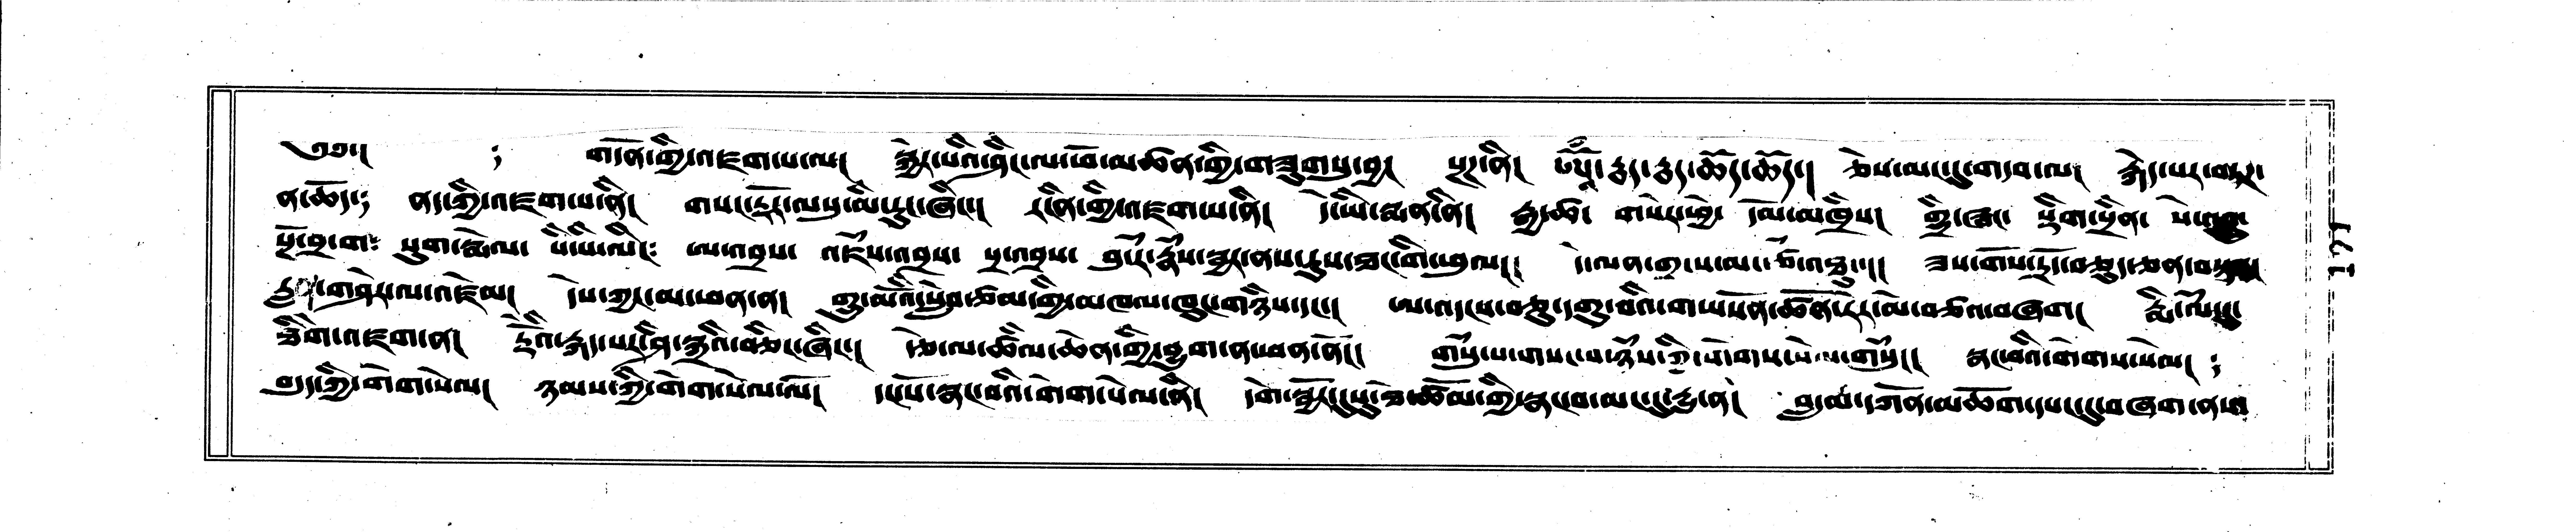གདོན་གྱིས་འཛག་པ་ལ། སྐྱེར་པའི་ཤིང་ལ་ཕོ་མཚན་གྱི་གཟུགས་སུ་བྱ། སྔགས་ནི། ཨཱོྂ་རྦད་རྦད་ཆོད་ཆོད། ཅེས་མང་དུ་གདབ་ལ། རྐེད་པར་གདགས་
ན་ཆོད། ནད་ཀྱིས་འཛག་པ་ནི། གསང་རྡོར་ལས་སུ་མི་རུང་ཞིང་། རང་བཞིན་གྱིས་འཛག་པ་ནི། དེ་ཡི་སྨན་ནི། རྒྱ་ཚྭ་གསེར་ཕྱེ་དོམ་མཁྲིས་གྷྲི་ཝང་སྡིག་སྲིན་ སེ་འབྲུ་
སྔོ་བྲ་ག སུག་སྨེལ་པི་པི་ལིང་ཨ་འབྲས་འཇམ་འབྲས་སྲ་འབྲས་བུ་རམ་རྣམས་སྦྱར་ནས་རུས་ཐང་གིས་ཕུལ། དེ་ལན་གྲངས་མང་ཙམ་འཐུང་། ཟས་གོས་དྲོད་བཅུད་ཅན་བསྟེན། 
རླན་གཤེར་ལ་འཛེམ། དེས་ཀྱང་མ་ཕན་ན། གྲུ་མོའི་སླེབས་ཙམ་གྱི་མཁལ་ཁུང་གཉིས་དང་། ཨ་འདང་བཅུ་དགུ་པའི་གཡས་གཡོན་ཚང་རེར་མེ་བཙའ་བཞག རྨི་ལམ་དུ་
ཐིག་ལེ་འཛག་ན། རྡོ་རྗེའི་སྐེད་པར་ཤི་སྐྲས་བཅིངས་ཤིང་རྩེ་ལ་ཚིལ་ཆེན་གྱིས་བྱུག་ན་ཕན་ནོ། །གསུམ་པ་གསང་བ་རྣམས་ཀྱི་གེག་སེལ་གསུམ། སྣང་བའི་གེག་སེལ།
 བདུད་ཀྱི་གེག་སེལ། ཉམས་ཀྱི་གེག་སེལ་ལོ། །དང་པོ་སྣང་བའི་གེག་སེལ་ནི། དགེ་སྦྱོར་དུས་སུ་ཐེ་ཚོམ་གྱི་སྣང་བ་མང་དུ་རྒྱུ་ན། བླ་མ་དཀོན་མཆོག་དཔང་དུ་བཞག་ནས་